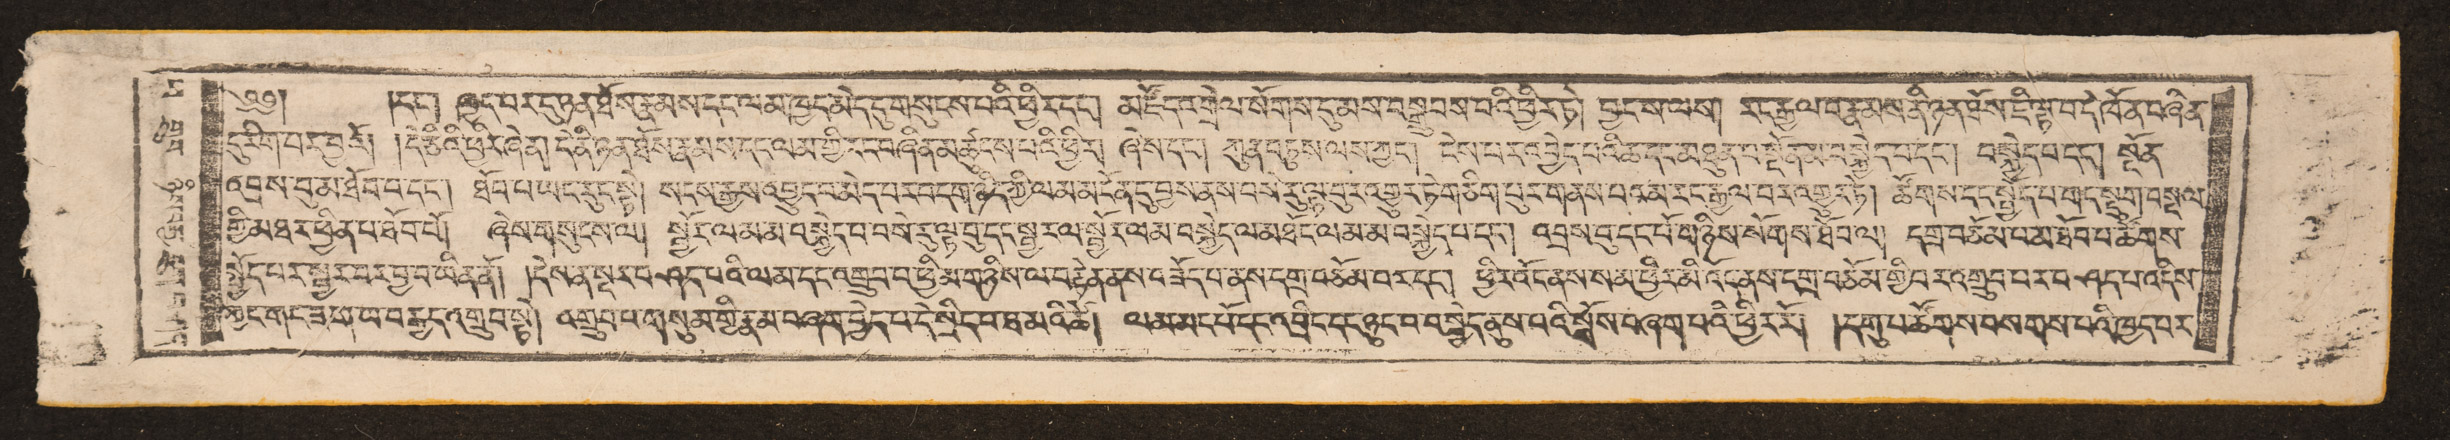༄༅། །དང་། ཁྱད་པར་དུ་ཉན་ཐོས་རྣམས་དང་ལམ་ཁྱད་མེད་དུ་གསུངས་པའི་ཕྱིར་དང་། མཛོད་འགྲེལ་སོགས་དུ་མས་བསྒྲུབས་པའི་ཕྱིར་ཏེ། བྱང་ས་?་ལས། རང་རྒྱལ་བ་རྣམས་ནི་ཉན་ཐོས་ཇི་ལྟ་བ་དེ་ཁོ་ན་བཞིན་
དུ་རིག་པར་བྱའོ། །དེ་ཅིའི་ཕྱིར་ཞེ་ན། དེ་ནི་ཉན་ཐོས་རྣམས་དང་ལམ་གྱི་རང་བཞིན་མཚུངས་པའི་ཕྱིར། ཞེས་དང་། ཀུན་བཏུས་ལས་ཀྱང་། ངེས་པར་འབྱེད་པའི་ཆ་དང་མཐུན་པ་སྔོན་མ་བསྐྱེད་པ་དང་། བསྐྱེད་པ་དང་། སྔོན་
འབྲས་བུ་མ་ཐོབ་པ་དང་། ཐོབ་པ་ཡང་རུང་སྟེ། སངས་རྒྱས་འབྱུང་བ་མེད་པར་བདག་ཉིད་ཀྱི་ལམ་མངོན་དུ་བྱས་ནས་བསེ་རུ་ལྟ་བུར་འགྱུར་ཏེ་གཅིག་པུར་གནས་པའམ་རང་རྒྱལ་བར་འགྱུར་ཏེ། ཚོགས་དང་སྤྱོད་བ་གང་སྡུག་བསྔལ་
གྱི་མཐར་ཕྱིན་པ་ཐོབ་བོ། ཞེས་གསུངས་ལ། སྦྱོར་ལམ་མ་བསྐྱེད་བ་བསེ་རུ་ལྟ་བུ་དང་སྦྱར་ལ་སྦྱོར་ལམ་བསྐྱེད་ལ་མཐོང་ལམ་མ་བསྐྱེད་པ་དང་། འབྲས་བུ་དང་པོ་གཉིས་སོགས་ཐོབ་ལ། དགྲ་བཅོམ་པ་མ་ཐོབ་པ་ཚོགས་
སྤྱོད་པར་སྦྱར་བར་བྱ་བ་ཡིན་ནོ། །དེས་ན་སྔར་བཤད་པའི་ལམ་དང་འགྲུབ་པ་ཕྱི་མ་གཉིས་ལ་བརྟེན་ནས་བཟོད་པ་ནས་དགྲ་བཅོམ་པར་དང་། ཕྱིར་འོང་ནས་སམ་ཕྱིར་མི་འོང་ནས་དགྲ་བཅོམ་གྱི་བར་འགྲུབ་པར་བཤད་པ་འདིས་
ཀྱང་གང་ཟག་ཡ་བརྒྱད་འགྲུབ་སྟེ། འགྲུབ་པ་གསུམ་གྱི་རྣམ་བཞག་བྱེད་པ་དེ་སྲིད་པ་ཐ་མའི་ཚེ། ལམ་མང་པོ་དང་འབྲིང་དང་ཉུང་བ་བསྐྱེད་ནུས་པའི་སྒོས་བཞག་པའི་ཕྱིར་རོ། །དགུ་པ་ཚོགས་བསགས་པའི་ཁྱད་པར་